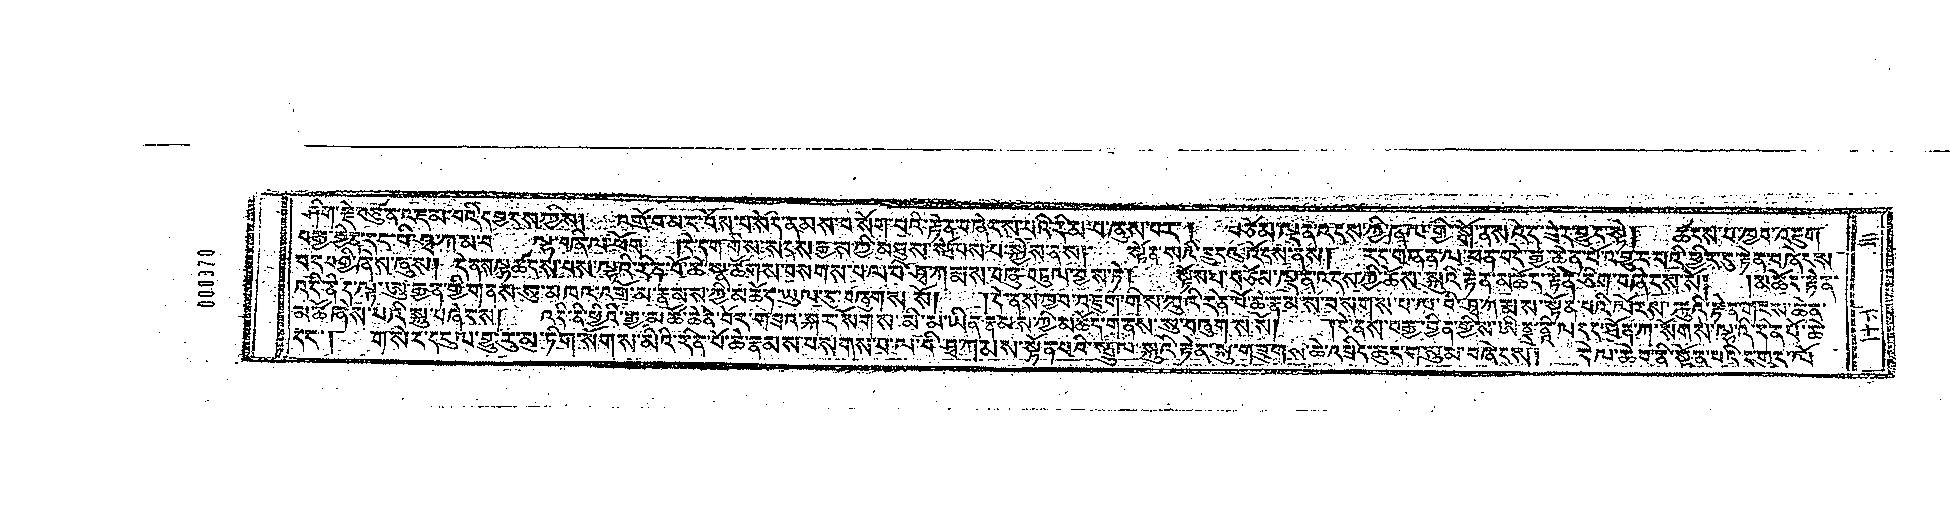ཤིག་རྗེ་བཙུན་འཇམ་པའི་དབྱངས་ཀྱིས། འགྲོ་བ་མང་བོས་བསོད་ནམས་བསོག་པའི་རྟེན་བཞེངས་པའི་རིམ་པ་ཞུས་བར། བཅོམ་ལྡན་འདས་ཀྱི་ཞལ་གྱི་སྒོ་ནས་འོད་ཟེར་བྱུང་སྟེ། ཚངས་པ་ཁྱབ་འཇུག་
བརྒྱ་བྱིན་དང་བི་ཤྭ་ཀ་མ་བ། ལྷ་བཞི་ལ་ཕོག །དེ་དག་གིས་སངས་རྒྱས་ཀྱི་མཐུས་སྤོབས་པ་སྐྱེས་ནས། སྟོན་པའི་དྲུང་དུ་འོངས་ནས། རང་གཞན་ལ་ཕན་བདེ་རྒྱ་ཆེན་པོ་འབྱུང་བའི་ཕྱིར་དུ་རྟེན་བཞེངས་
པར་བགྱི་ཞེས་ཞུས། དེ་ནས་ལྷ་ཚངས་པས་ལྷའི་རིན་པོ་ཆེ་སྣ་ཚོགས་བསགས་པ་ལ་བི་ཤྭ་ཀརྨ་ས་བཞུ་བཏུལ་བྱས་ཏེ། སྟོན་པ་བཅོམ་ལྡན་འདས་ཀྱི་ཆོས་སྐུའི་རྟེན་མཆོད་རྟེན་ཅིག་བཞེངས་སོ། །མཆེད་རྟེན་
འདི་ནི་ད་ལྟ་ཨུ་རྒྱན་གྱི་གནས་སུ་མཁའ་འགྲོ་མ་རྣམས་ཀྱི་མཆོད་ཡུལ་དུ་བཞུགས་སོ། །དེ་ནས་ཁྱབ་འཇུག་གིས་ཀླུའི་རིན་པོ་ཆེ་རྣམས་བསགས་པ་ལ་བི་ཤྭ་ཀརྨས་སྟོན་པའི་ལོངས་སྐུའི་རྟེན་གངས་ཆེན་
མཚོ་ཞེས་པའི་སྐུ་བཞེངས། འདི་ནི་ཕྱིའི་རྒྱ་མཚོ་ཆེན་པོར་གཟའ་སྐར་སོགས་མི་མ་ཡིན་རྣམས་ཀྱི་མཆོད་གནས་སུ་བཞུགས་སོ། །དེ་ནས་བརྒྱ་བྱིན་གྱིས་ཨིནྡྲ་ནཱི་ལ་དད་ཐོན་ཀ་སོགས་ལྷའི་རིན་པོ་ཆེ་
དང་། གསེར་དངུལ་བྱུ་རུ་མུ་ཏིག་སོགས་མིའི་རིན་པོ་ཆེ་རྣམས་བསྒགས་པ་ལ་བི་ཤྭ་ཀམས་སྟོན་པའི་སྤྲུལ་སྐུའི་རྟེན་སྐུ་གཟུགས་ཆེ་འབྲིང་ཆུང་གསུམ་བཞེངས། དེ་ལ་ཆེ་བ་ནི་སྟོན་པའི་དགུང་ལོ་